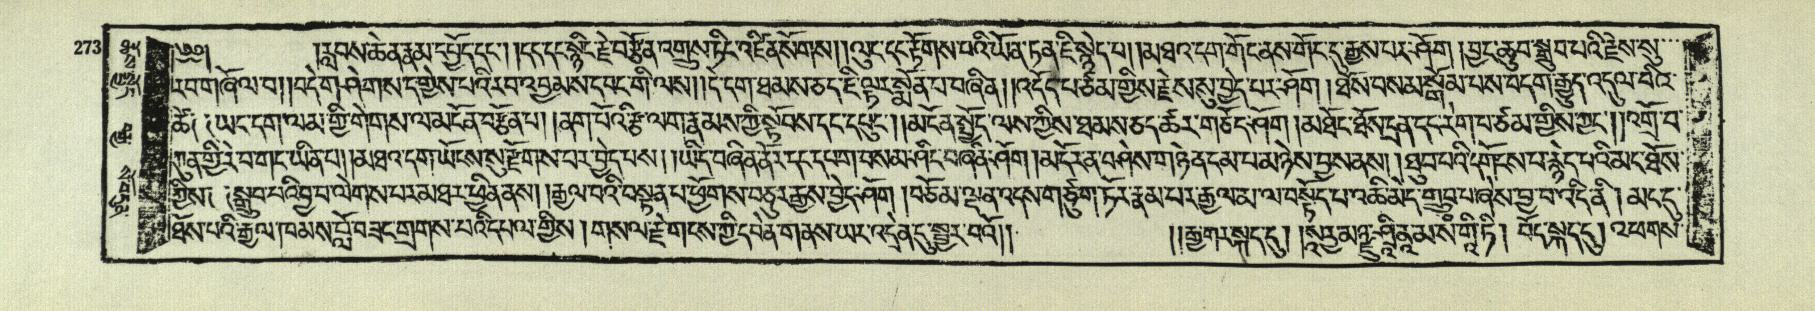༄༅། །རླབས་ཆེན་རྣམ་དཔྱོད་དང་། །དད་དང་སྙིང་རྗེ་བརྩོན་འགྲུས་ཏིང་འཛིན་སོགས། །ལུང་དང་རྟོགས་པའི་ཡོན་ཏན་ཇི་སྙེད་པ། །མཐའ་དག་གོང་ནས་གོང་དུ་རྒྱས་པར་ཤོག། །བྱང་ཆུབ་སྒྲུབ་པའི་རྗེས་སུ་
རབ་གཞོལ་བ། །བདེ་གཤེགས་དགྱེས་པའི་རབ་འབྱམས་དབང་གི་ལས། །དེ་དག་ཐམས་ཅད་ཇི་ལྟར་སྨོན་པ་བཞིན། །འདོད་པ་ཙམ་གྱིས་རྗེས་སུ་བྱེད་པར་ཤོག། །ཐོས་བསམ་སྒོམ་པས་བདག་རྒྱུད་འདུལ་བའི་
ཚེ༑ ༑ཡང་དག་ལམ་གྱི་གེགས་ལ་མངོན་བརྩོན་པ། །ནག་པོའི་རྩི་ལག་རྣམས་ཀྱི་སྟོབས་དང་དཔུང་། །མངོན་སྤྱོད་ལས་ཀྱིས་ཐམས་ཅད་ཚར་གཅོད་ཤོག། །མཐོང་ཐོས་དྲན་དང་རེག་པ་ཙམ་གྱིས་ཀྱང་། །འགྲོ་བ་
ཀུན་གྱི་རེ་བ་གང་ཡིན་པ། །མཐའ་དག་ཡོངས་སུ་རྫོགས་པར་བྱེད་པས། །ཡིད་བཞིན་ནོར་དང་དཔག་བསམ་ཤིང་བཞིན་ཤོག། །མདོར་ན་བཤེས་གཉེན་དམ་པ་མཉེས་བྱས་ནས། །ཐུབ་པའི་དགོངས་པ་རྙེད་པའི་མང་ཐོས་
ཀྱིས༑ ༑སྒྲུབ་པའི་བྱ་བ་ལེགས་པར་མཐར་ཕྱིན་ནས། །རྒྱལ་བའི་བསྟན་པ་ཕྱོགས་བཅུར་རྒྱས་བྱེད་ཤོག། །བཅོམ་ལྡན་འདས་གཙུག་ཏོར་རྣམ་པར་རྒྱལ་མ་ལ་བསྟོད་པ་འཆི་མེད་གྲུབ་པ་ཞེས་བྱ་བ་འདི་ནི་།མང་དུ་
ཐོས་པའི་རྒྱལ་ཁམས་བློ་བཟང་གྲགས་པའི་དཔལ་གྱིས་།གསལ་རྗེ་གངས་ཀྱི་དབེན་གནས་ཡར་འདྲེན་དུ་སྦྱར་བའོ།། །།རྒྱ་གར་སྐད་དུ། །སཱརྱ་མཉྫུ་ཤྲཱི་ནཱ་མ་སཾ་གཱི་ཏི་།བོད་སྐད་དུ། འཕགས་